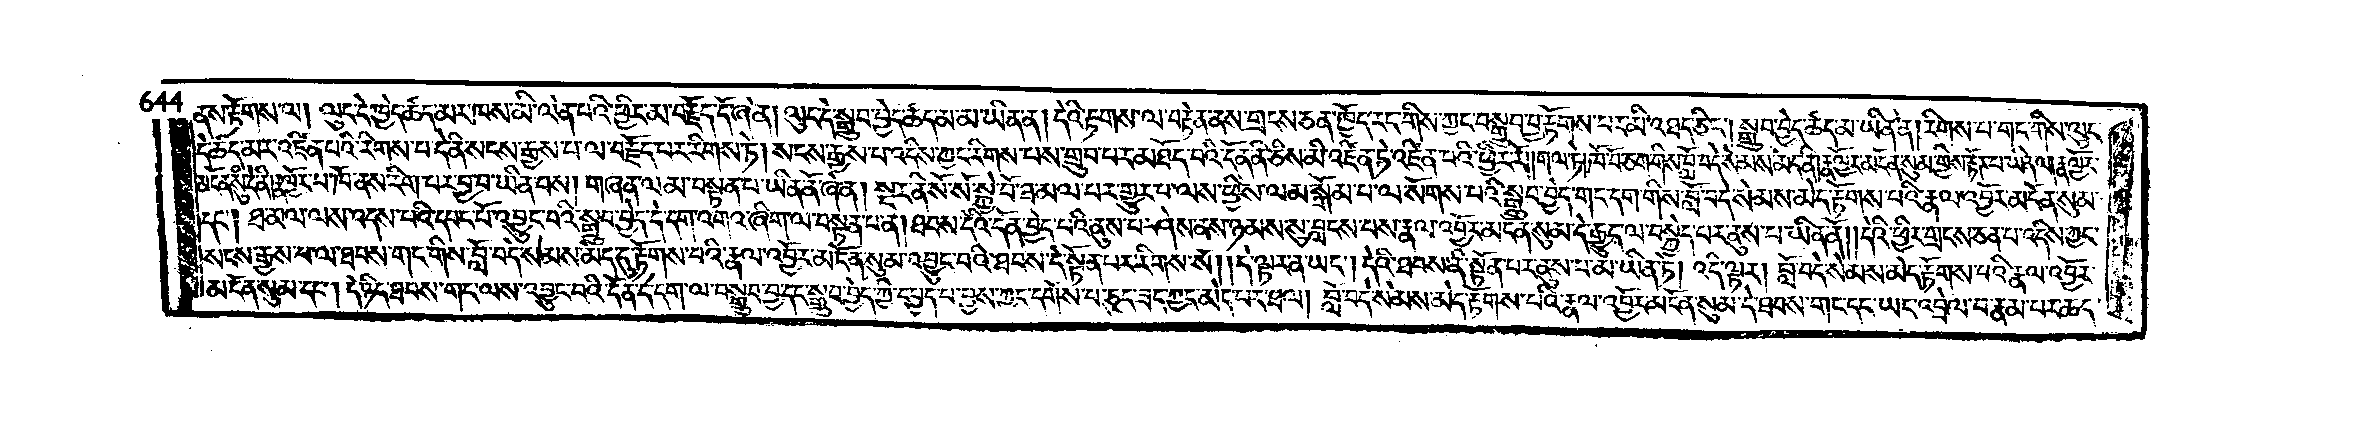ནས་རྟོགས་ལ། ལུང་དེ་ཁྱེད་ཚད་མར་ཁས་མི་ལེན་པའི་ཕྱིར་མ་བརྗོད་དོ་ཞེ་ན། ལུང་དེ་སྒྲུབ་བྱེད་ཚད་མ་མ་ཡིན་ན། དེའི་རྟགས་ལ་བརྟེན་ནས་གྲངས་ཅན་ཁྱོད་རང་གིས་ཀྱང་བསྒྲུབ་བྱ་རྟོགས་པར་མི་འཐད་ཅིང་། སྒྲུབ་བྱེད་ཚད་མ་ཡིན་ན། རིགས་པ་གང་གིས་ལུང་
དེ་ཚད་མར་འཛིན་པའི་རིགས་པ་དེ་ནི་སངས་རྒྱས་པ་ལ་བརྗོད་པར་རིགས་ཏེ། སངས་རྒྱས་པ་འདིས་ཀྱང་རིགས་པས་གྲུབ་པར་མཐོང་བའི་དོན་ནི་ཅིས་མི་འཛིན་ཏེ་འཛིན་པའི་ཕྱིར་རོ། །གལ་ཏེ། ཁོ་བོ་ཅག་གིས་བློ་བདེ་སེམས་མེད་ནི། རྣལ་འབྱོར་མངོན་སུམ་གྱིས་རྟོགས་པ་ཡིན་ལ། རྣལ་འབྱོར་
མངོན་སུམ་དེ་ནི། རྣལ་འབྱོར་བ་ཁོ་ནས་རིག་པར་བྱ་བ་ཡིན་པས། གཞན་ལ་མ་བསྟན་པ་ཡིན་ནོ་ཞེ་ན། སྔར་ནི་སོ་སོ་སྐྱེ་བོ་ཐ་མལ་བར་གྱུར་བ་ལས་ཕྱིས་ལམ་སྒོམ་པ་ལ་སོགས་པའི་སྒྲུབ་བྱེད་གང་དག་གིས་བློ་བདེ་སེམས་མེད་རྟོགས་པའི་རྣལ་འབྱོར་མངོན་སུམ་
དང་། ཐ་མལ་ལས་འདས་པའི་དབང་པོ་འབྱུང་བའི་སྒྲུབ་བྱེད་དེ་དག་འགའ་ཞིག་ལ་བསྟན་པ་ནི། ཐབས་དེའི་དོན་བྱེད་པའི་ནུས་པ་ཤེས་ནས་ཉམས་སུ་བླངས་པས་རྣལ་འབྱོར་མངོན་སུམ་དེ་རྒྱུད་ལ་བསྐྱེད་པར་ནུས་པ་ཡིན་ནོ། །དེའི་ཕྱིར་གྲངས་ཅན་པ་འདིས་ཀྱང་
སངས་རྒྱས་པ་ལ་ཐབས་གང་གིས་བློ་བདེ་སེམས་མེད་དུ་རྟོགས་པའི་རྣལ་འབྱོར་མངོན་སུམ་འབྱུང་བའི་ཐབས་དེ་སྟོན་པར་རིགས་སོ། །དེ་ལྟར་ན་ཡང་། དེའི་ཐབས་ནི་སྟོན་པར་ནུས་པ་མ་ཡིན་ཏེ། འདི་ལྟར། བློ་བདེ་སེམས་མེད་རྟོགས་པའི་རྣལ་འབྱོར་
མངོན་སུམ་དང་། དེ་ཉིད་ཐབས་གང་ལས་འབྱུང་བའི་དོན་དེ་དག་ལ་བསྒྲུབ་བྱ་དང་སྒྲུབ་བྱེད་ཀྱི་དཔྱད་པ་བྱས་ཀྱང་དགོས་པ་ཅུང་ཟད་ཀྱང་མེད་པར་ཐལ། བློ་བདེ་སེམས་མེད་རྟོགས་པའི་རྣལ་འབྱོར་མངོན་སུམ་དེ་ཐབས་གང་དང་ཡང་འབྲེལ་བ་རྣམ་པར་ཆད་